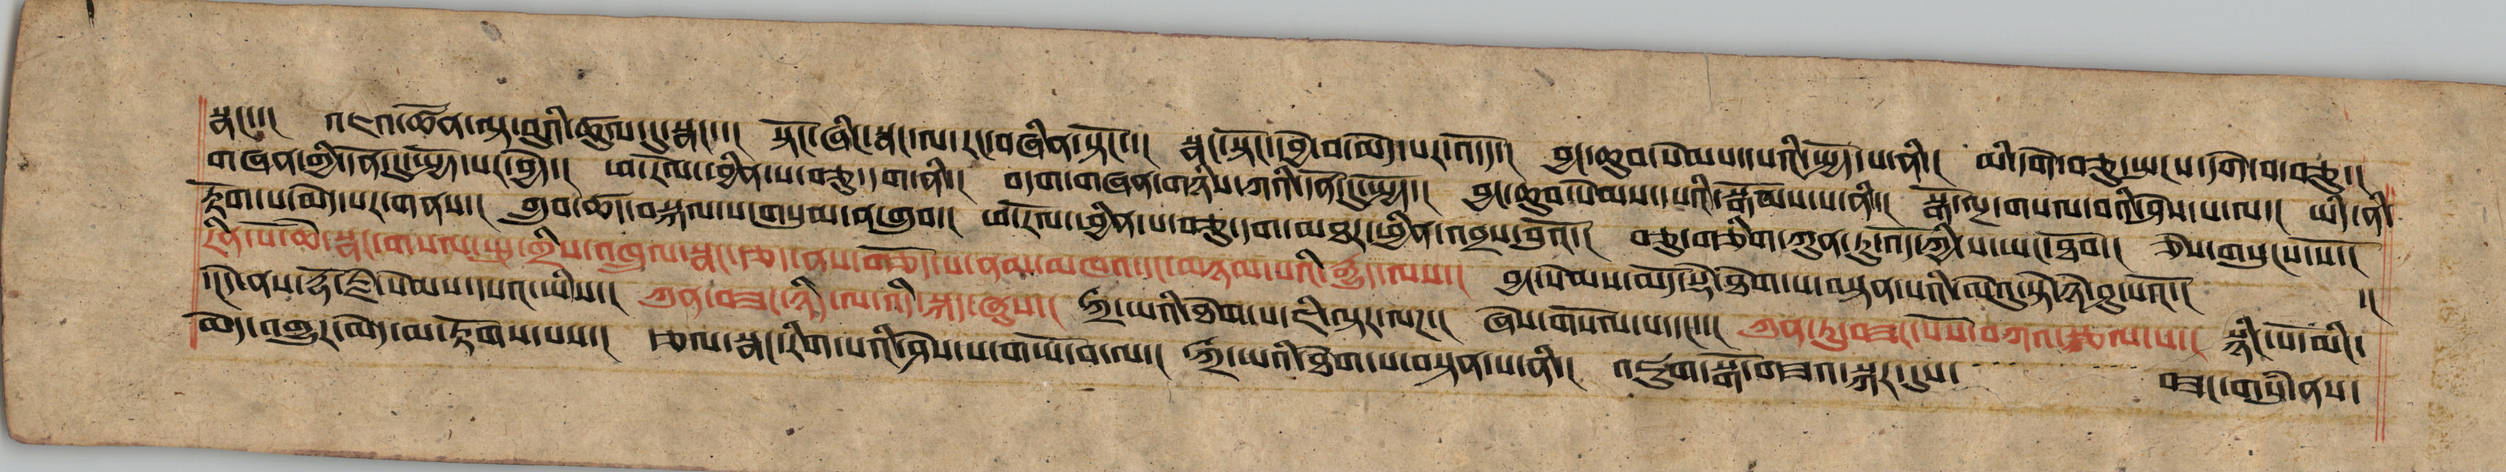སྣང་། འཇའ་ཚོན་ལྟ་བུའི་ཚུལ་དུ་སྣང་་། སྟོང་ཞིང་སྣང་ལ་རང་བཞིན་སྟོང་་། སྣང་སྟོང་དབྱེ་བ་མེད་པར་འདོད་། བྱང་ཆུབ་སེམས་དཔའི་སྤྱོད་པ་ནི་། མི་དགེ་བཅུ་སྤངས་དགེ་བ་བཅུ་།
གཞན་གྱི་དོན་དུ་སྤྱོད་པར་བྱེད་། ཕ་རོལ་ཕྱིན་པ་བཅུ་དག་ནི་། བདག་གཞན་གཉིས་ཀའི་དོན་དུ་སྤྱོད་། བྱང་ཆུབ་སེམས་དཔའི་སྒོམས་པ་ནི་། སྒོ་ལྔ་་གསལ་བའི་ཤེས་པ་ལ་། ཡིད་ནི་
རྟོག་པ་མེད་པར་གནས་། གྲུབ་ཚད་བསྐལ་པ་གསུམ་ན་གྲུབ་། ཕ་རོལ་ཕྱིན་པ་བཅུ་དག་མཐར་ཕྱིན་འབྲས་བུའོ་། བཅུ་གཅིག་ཀུན་ཏུ་འོད་ཀྱི་ས་ཡང་ཐོབ་། ཅེས་གསུངས་སོ་།
རིན་པོ་ཆེ་སྣང་གསལ་སྤུ་གྲིས་འཁྲུལ་སྣང་རྩད་ནས་གཅོད་པ་ནམ་མཁའ་དང་མཉམ་པའི་རྒྱུད་ལས་། བྱང་སེམས་མདོ་སྡེ་ཐེག་པ་བསྟན་པའི་ལེའུ་སྟེ་ཉེ་ཤུ་པའོ་། ་།
་།དེནས་རྡོ་རྗེ་སེམས་དཔའ་ཡིས་། ཀུན་བཟང་ཉིད་ལ་འདི་སྐད་ཞུས་། ཀྲི་ཡའི་ཐེག་པ་ཇི་ལྟར་ལཌ་། ཞེས་གསོལ་པ་དང་་། ཀུན་ཏུ་བཟང་པོས་བཀའ་སྩལ་པ་། སྙིང་པོ་མིང་
མེད་འགྱུར་མེད་མ་རྟོགས་པས་། རྩལ་སྣང་རིག་པའི་ཤེས་པ་གཡོ་བ་ལ་། ཀྲི་ཡའི་ཐེག་པ་བསྟན་པ་ནི་། འཇུག་སྒོ་གཟའ་སྐར་དུས་ བཟང་གསུཾ་ནས་